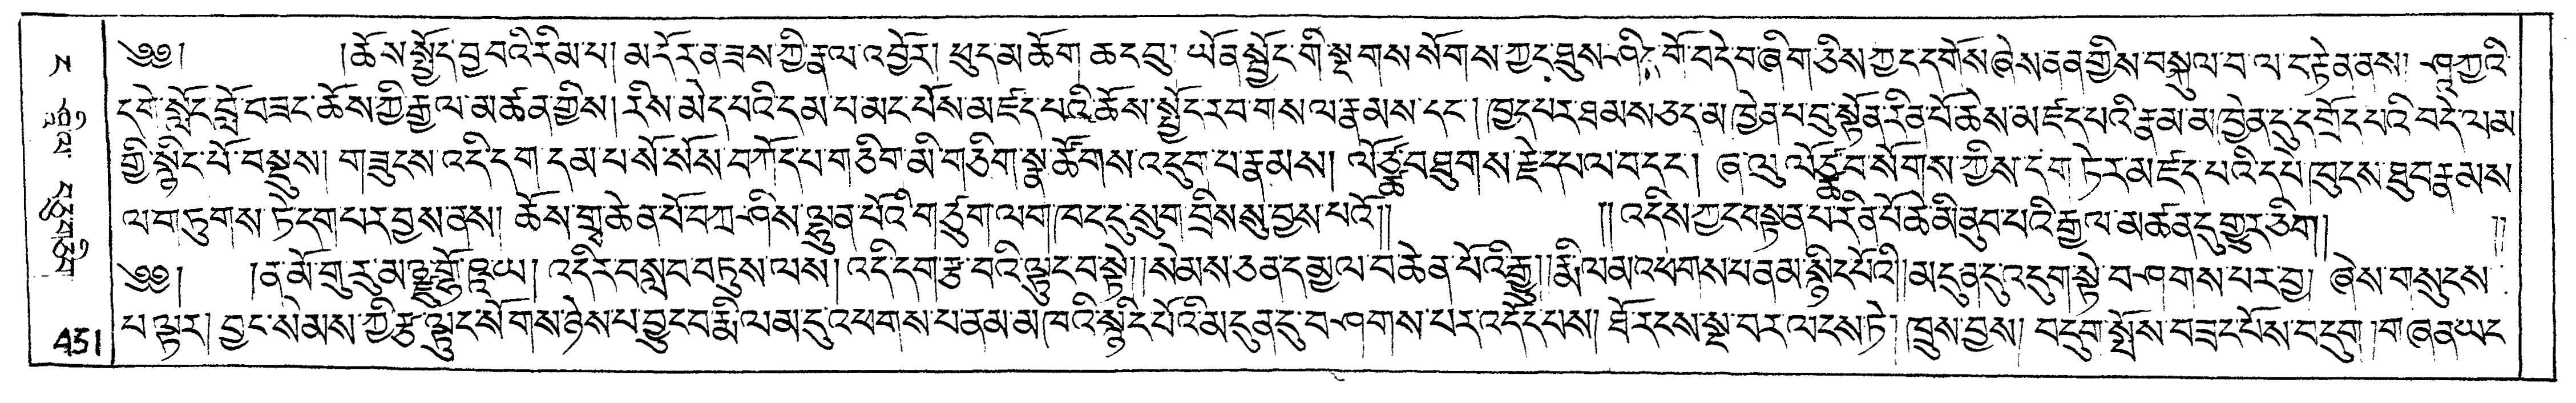༄༅། །ཆོས་སྤྱོད་བྱ་བའི་རིམ་པ། མདོར་ན་ཟས་ཀྱི་རྣལ་འབྱོར། ཕུད་མཆོག་ཆང་བུ། ཡོན་སྦྱོང་གི་སྔགས་སོགས་ཀྱང་ཐུས་ཤིང་གོ་བདེ་བ་ཞིག་ཅིས་ཀྱང་དགོས་ཞེས་ནན་གྱིས་བསྐུལ་བ་ལ་བརྟེན་ནས། ཤཱཀྱའི་
དགེ་སློང་བློ་བཟང་ཆོས་ཀྱི་རྒྱལ་མཚན་གྱིས། རིས་མེད་པའི་དམ་པ་མང་པོས་མཛད་པའི་ཆོས་སྤྱོད་རབ་གསལ་རྣམས་དང་། ཁྱད་པར་ཐམས་ཅད་མཁྱེན་པ་བུ་སྟོན་རིན་པོ་ཆེས་མཛད་པའི་རྣམ་མཁྱེན་དུ་དགྲོད་པའི་བདེ་ལམ་
གྱི་སྙིང་པོ་བསྡུས། གཟུངས་འདི་དག་དམ་པ་སོ་སོས་བཀོད་པ་གཅིག་མི་གཅིག་སྣ་ཚོགས་འདུག་པ་རྣམས། ལོ་ཙྪ་བ་ཐུགས་རྗེ་དཔལ་བ་དང་། ཞ་ལུ་ལོཙྪ་བ་སོགས་ཀྱིས་དག་ཏེར་མཛད་པའི་དཔེ་ཁུངས་ཐུབ་རྣམས་
ལ་གཏུགས་ཏེ་དག་པར་བྱས་ནས། ཆོས་གྲྭ་ཆེན་པོ་བཀྲ་ཤིས་ལྷུན་པོའི་གཙུག་ལག་ཁང་དུ་སུག་བྲིས་སུ་བྱས་པའོ།། །།འདིས་ཀྱང་བསྟན་པ་རིན་པོ་ཆེ་མི་ནུབ་པའི་རྒྱལ་མཚན་དུ་གྱུར་ཅིག ། །།
༄༅། །ན་མོ་གུ་རུ་མཉྫུ་གྷོ་ཥཱ་ཡ། འདིར་བསླབ་བཏུས་ལས། འདི་དག་རྩ་བའི་ལྟུང་བ་སྟེ། །སེམས་ཅན་དམྱལ་བ་ཆེན་པོའི་རྒྱུ། །རྨི་ལམ་འཕགས་པ་ནམ་སྙིང་པོའི། །མདུན་དུ་འདུག་སྟེ་བཤགས་པར་བྱ། ཞེས་གསུངས་
པ་ལྟར། བྱང་སེམས་ཀྱི་རྩ་ལྟུང་སོགས་ཉེས་པ་བྱུང་བ་རྨི་ལམ་དུ་འཕགས་པ་ནམ་མཁའི་སྙིང་པོའི་མདུན་དུ་བཤགས་པར་འདོད་པས། ཐོ་རངས་སྔ་བར་ལངས་ཏེ། ཁྲུས་བྱས། བདུག་སྤོས་བཟང་པོས་བདུག །གཞན་ཡང་